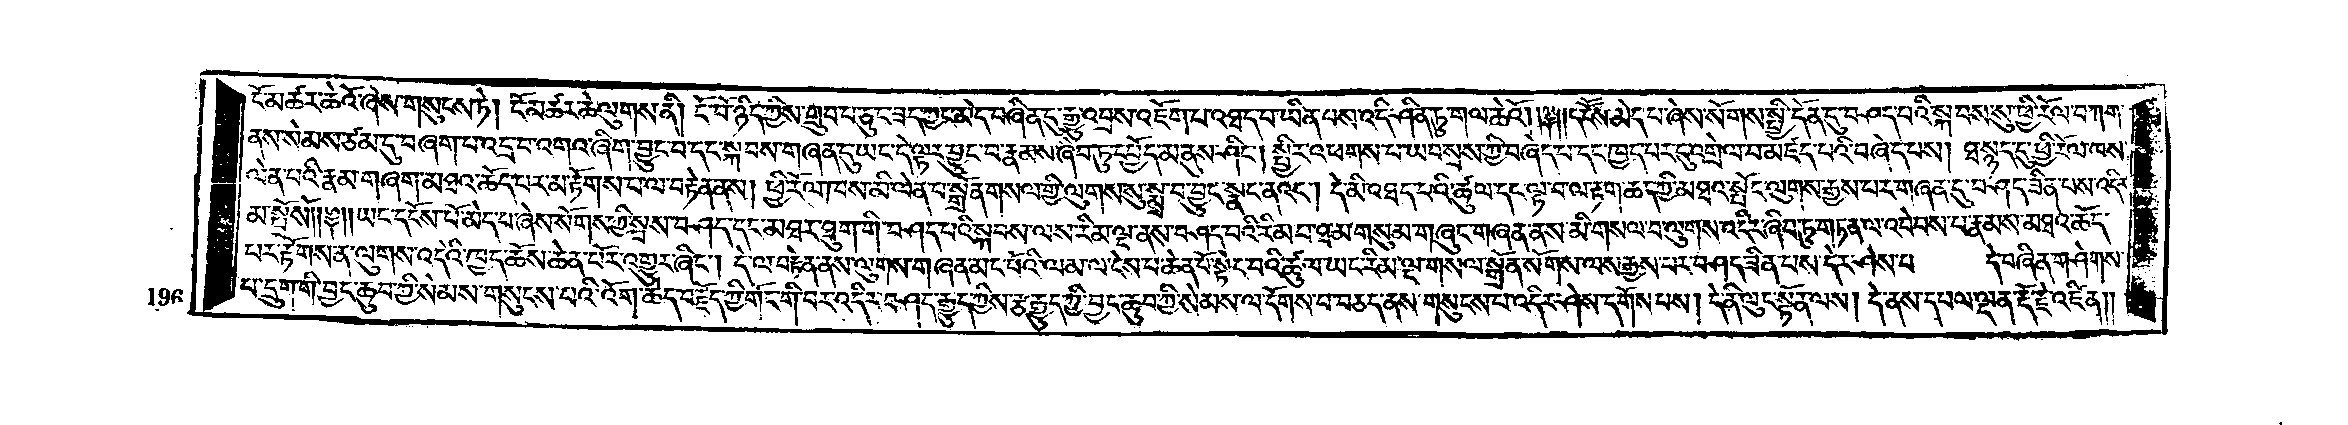ངོ་མཚར་ཆེའོ་ཞེས་གསུངས་ཏེ། ངོ་མཚར་ཆེ་ལུགས་ནི། ངོ་བོ་ཉིད་ཀྱིས་གྲུབ་པ་ཅུང་ཟད་ཀྱང་མེད་བཞིན་དུ་རྒྱུ་འབྲས་འཇོག་པ་འཐད་པ་ཡིན་པས་འདི་ཤིན་ཏུ་གལ་ཆེའོ།། ༈ །།དངཽས་མེད་པ་ཞེས་སོགས་སྤྱི་དོན་དུ་བཤད་པའི་སྐབས་སུ་ཕྱི་རོལ་བཀག་
ནས་སེམས་ཙམ་དུ་བཞག་པ་འདྲ་བ་འགའ་ཞིག་བྱུང་བ་དང་སྐབས་གཞན་དུ་ཡང་དེ་ལྟར་བྱུང་བ་རྣམས་ཞིབ་ཏུ་དཔྱོད་མ་ནུས་ཤིང་། སྤྱིར་འཕགས་པ་ཡབ་སྲས་ཀྱི་བཞེད་པ་དང་ཁྱད་པར་དུ་འགྲེལ་པ་མཛད་པའི་བཞེད་པས། ཐ་སྙད་དུ་ཕྱི་རོལ་ཁས་
ལེན་པའི་རྣམ་གཞག་མཐའ་ཆོད་པར་མ་རྟོགས་པ་ལ་བརྟེན་ནས། ཕྱི་རོལ་ཁས་མི་ལེན་པ་སྒྲོན་གསལ་གྱི་ལུགས་སུ་སྨྲ་བ་བྱུང་སྣང་ནའང་། དེ་མི་འཐད་པའི་ཚུལ་དང་ལྟ་བ་ལ་རྟག་ཆད་ཀྱི་མཐའ་སྤོང་ལུགས་རྒྱས་པར་གཞན་དུ་བཤད་ཟིན་པས་འདིར་
མ་སྤྲོས་སོ།། ༈ །།ཡང་དངོས་པོ་མེད་པ་ཞེས་སོགས་ཀྱི་སྦས་བཤད་དང་མཐར་ཐུག་གི་བཤད་པའི་སྐབས་ལས་རིམ་ལྔ་ནས་བཤད་པའི་རིམ་པ་ཐ་མ་གསུམ་གཞུང་གཞན་ནས་མི་གསལ་བ་ལུགས་འདིར་ཞིབ་ཏུ་གཏན་ལ་འབེབས་པ་རྣམས་མཐའ་ཆོད་
པར་རྟོགས་ན་ལུགས་འདིའི་ཁྱད་ཆོས་ཆེན་པོར་འགྱུར་ཞིང་། དེ་ལ་བརྟེན་ནས་ལུགས་གཞན་མང་པོའི་ལམ་ལ་ངེས་པ་ཆེན་པོ་སྟེར་བའི་ཚུལ་ཡང་རིམ་ལྔ་གསལ་སྒྲོན་སོགས་ལས་རྒྱས་པར་བཤད་ཟིན་པས་དེར་ཤེས་པ་དེ་བཞིན་གཤེགས་
པ་དྲུག་གི་བྱང་ཆུབ་ཀྱི་སེམས་གསུངས་པའི་འོག་ཆེད་བརྗོད་ཀྱི་གོང་གི་བར་འདིར་བཤད་རྒྱུད་ཀྱིས་རྩ་རྒྱུད་ཀྱི་བྱང་ཆུབ་ཀྱི་སེམས་ལ་དོགས་པ་བཅད་ནས་གསུངས་པ་འདིར་ཤེས་དགོས་པས། དེ་ནི་ལུང་སྟོན་ལས། དེ་ནས་དཔལ་ལྡན་རྡོ་རྗེ་འཛིན། །